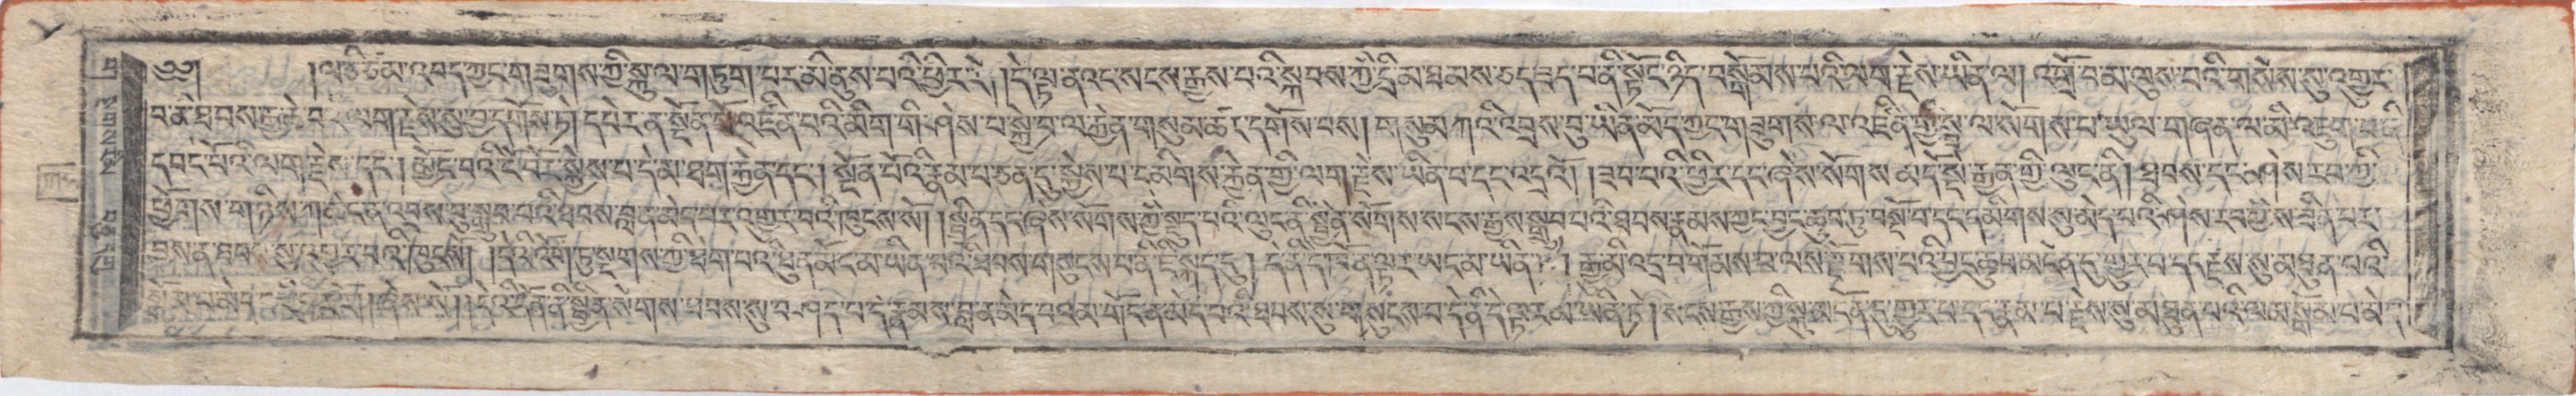༄༅། །ལ་ཅི་ཙམ་འབད་ཀྱང་གཟུགས་ཀྱི་སྐུ་ལ་གཏུག་པར་མི་ནུས་པའི་ཕྱིར་རོ། །དེ་ལྟ་ནའང་སངས་རྒྱས་པའི་སྐབས་ཀྱི་དྲི་མ་ཐམས་ཅད་ཟད་པ་ནི་སྟོང་ཉིད་བསྒོམས་པའི་ལག་རྗེས་ཡིན་ལ། འགྲོ་བ་མ་ལུས་པའི་གསོས་སུ་འགྱུར་
བ་ནི་ཐབས་རྒྱ་ཆེ་བའི་ལག་རྗེས་སུ་བྱ་དགོས་ཏེ། དཔེར་ན་སྔོན་པོ་འཛིན་པའི་མིག་གི་ཤེས་པ་སྐྱེ་བ་ལ་རྐྱེན་གསུམ་ཚར་དགོས་པས། གསུམ་ཀའི་འབྲས་བུ་ཡིན་མོད་ཀྱང་གཟུགས་ལ་འཛིན་གྱི་སྒྲ་ལ་སོགས་པ་ཡུལ་གཞན་ལ་མི་འཇུག་པ་ནི་
དབང་པོའི་ལག་རྗེས་དང་། མྱོང་བའི་ངོ་བོར་སྐྱེས་པ་དེ་མ་ཐག་རྐྱེན་དང་། སྔོན་པོའི་རྣམ་པ་ཅན་དུ་སྐྱེས་པ་དམིགས་རྐྱེན་གྱི་ལག་རྗེས་ཡིན་པ་དང་འདྲའོ། །ཟབ་པའི་ཕྱིར་དང་ཞེས་སོགས་མདོ་སྡེ་རྒྱན་གྱི་ལུང་ནི། ཐབས་དང་ཤེས་རབ་ཀྱི་
ཕྱོགས་གཉིས་ཀ་ཚང་ན་འབྲས་བུ་སྒྲུབ་པའི་ཐབས་བླ་ན་མེད་པར་འགྱུར་བའི་ཁུངས་སོ། །སྦྱིན་དང་ཞེས་སོགས་ཀྱི་སྡུད་པའི་ལུང་ནི་སྦྱིན་སོགས་སངས་རྒྱས་སྒྲུབ་པའི་ཐབས་རྣམས་ཀྱང་བྱང་ཆུབ་ཏུ་བསྔོ་བ་དང་དམིགས་སུ་མེད་པའི་ཤེས་རབ་ཀྱི་ས་ཟིན་པར་
བྱས་ན་ཐབས་སུ་འགྱུར་པའི་ཁུངས་སོ། །དེའི་འོག་ཏུ་སྔགས་ཀྱི་ཐེག་པའི་ཐུན་མོང་མ་ཡིན་པའི་ཐབས་གསུངས་པ་ནི་ཇི་སྐད་དུ། དེ་ནི་དེ་ཁོ་ན་ལྟར་ཡང་མ་ཡིན་ཏེ། རྒྱུ་མི་འདྲ་བ་གོམས་པ་ལས་རྫོགས་པའི་བྱང་ཆུབ་མངོན་དུ་གྱུར་པ་དང་རྗེས་སུ་མཐུན་པའི་
སྒོམ་པ་མེད་པའི་ཕྱིར་རོ། །ཞེས་སོ། །དེའི་དོན་ནི་སྦྱིན་སོགས་ཐབས་སུ་བཤད་པ་དེ་རྣམས་བླ་ན་མེད་པའམ་གོང་ན་མེད་པའི་ཐབས་སུ་གསུངས་པ་དེ་ནི་དེ་ལྟར་མ་ཡིན་ཏེ། སངས་རྒྱས་ཀྱི་སྐུ་མངོན་དུ་གྱུར་པ་དང་རྣམ་པ་རྗེས་སུ་མཐུན་པའི་ལམ་སྒོམ་པ་མེད་